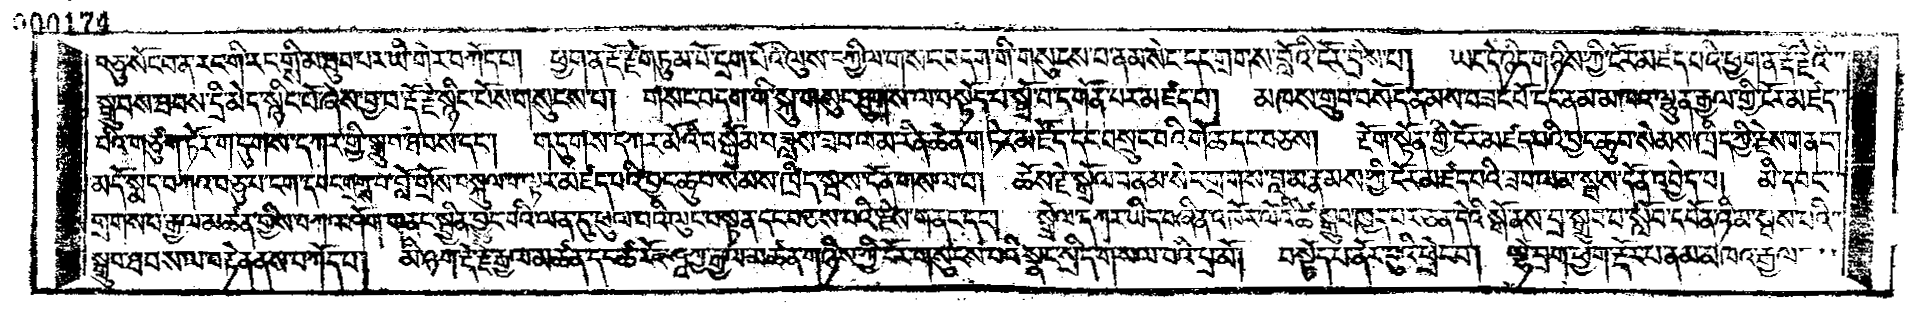བཅུ་སོང་བ་ན་རང་གི་རང་གིས་མ་ཐུབ་པར་ཡི་གེར་བཀོད་པ། ཕྱག་ན་རྡོ་རྗེ་གཏུམ་པོ་དྲག་པོའི་ལུས་དཀྱིལ་གསང་བདག་གི་གསུངས་པ་ནམ་སེང་དང་གྲགས་བློའི་ངོར་བྲིས་པ། ཡང་དེ་ཉིད་གཉིས་ཀྱི་ངོར་མཛད་པའི་ཕྱག་ན་རྡོ་རྗེའི་
སྒྲུབ་ཐབས་དྲི་མེད་སྙིང་པོ་ཞེས་བྱ་བ་རྡོ་རྗེ་སྙིང་པོས་གསུངས་པ། གསང་བདག་གི་སྐུ་གསུང་ཐུགས་ལ་བསྟོད་པ་སྒྲོ་བ་དགོན་པར་མཛད་པ། མཁས་གྲུབ་བསོད་ནམས་བཟང་པོ་དང་ནམ་མཁའ་ལྷུན་རྒྱལ་གྱི་ངོར་མཛད་
པའི་གཙུག་ཏོར་གདུགས་དཀར་གྱི་སྒྲུབ་ཐབས་དང་། གདུགས་དཀར་མོའི་བསྒོམ་བཟླས་ཟབ་ལམ་རིན་ཆེན་གཏེར་མཛོད་དང་བསྲུང་བའི་གོ་ཆ་དང་བཅས། རྔོག་སྟོན་གྱི་ངོར་མཛད་པའི་བྱང་ཆུབ་སེམས་ཁྲིད་ཀྱི་རྗེས་གནང་།
མདོ་སྨད་བཀའ་བཅུ་པ་ངག་དབང་གྲགས་པ་བློ་གྲོས་བསྐུལ་བ་ལྟར་མཛད་པའི་བྱང་ཆུབ་སེམས་ཁྲིད་སྦས་དོན་གསལ་བ། ཆོས་རྗེ་སྒྲོལ་བ་ནམ་སེང་གྲགས་བླ་མ་རྣམས་ཀྱི་ངོར་མཛད་པའི་ཟབ་ལམ་སྦས་དོན་འབྱེད་པ། མི་དབང་
གྲགས་པ་རྒྱལ་མཚན་གྱིས་བཀའ་ཤོག་གནང་སྦྱིན་བྱུང་བའི་ལན་དུ་ཕུལ་བའི་ལུང་བསྟན་དང་བཅས་པའི་རྗེས་གནང་དང་། སྒྲོལ་དཀར་ཡིད་བཞིན་འཁོར་ལོའི་ཚེ་སྒྲུབ་ཁྱད་པར་ཅན་དེའི་སྒོ་ནས་སྤྲ་སྒྲུབ་པ་སློབ་དཔོན་ཉི་མ་སྦས་པའི་
སྒྲུབ་ཐབས་ལ་བརྟེན་ནས་བཀོད་པ། མི་ཉག་རྡོ་རྗེ་རྒྱལ་མཚན་དང་ཚ་རོང་ཤཱཀྱ་རྒྱལ་མཚན་གཉིས་ཀྱི་ངོར་གསུངས་པའི་སྣང་སྲིད་གསལ་བའི་བྲ་མོ། བསྟོད་པ་ནོར་བུའི་ཕྲེང་བ། ལྷོ་བྲག་ཕྱག་རྡོར་པ་ནམ་མཁའ་རྒྱལ་